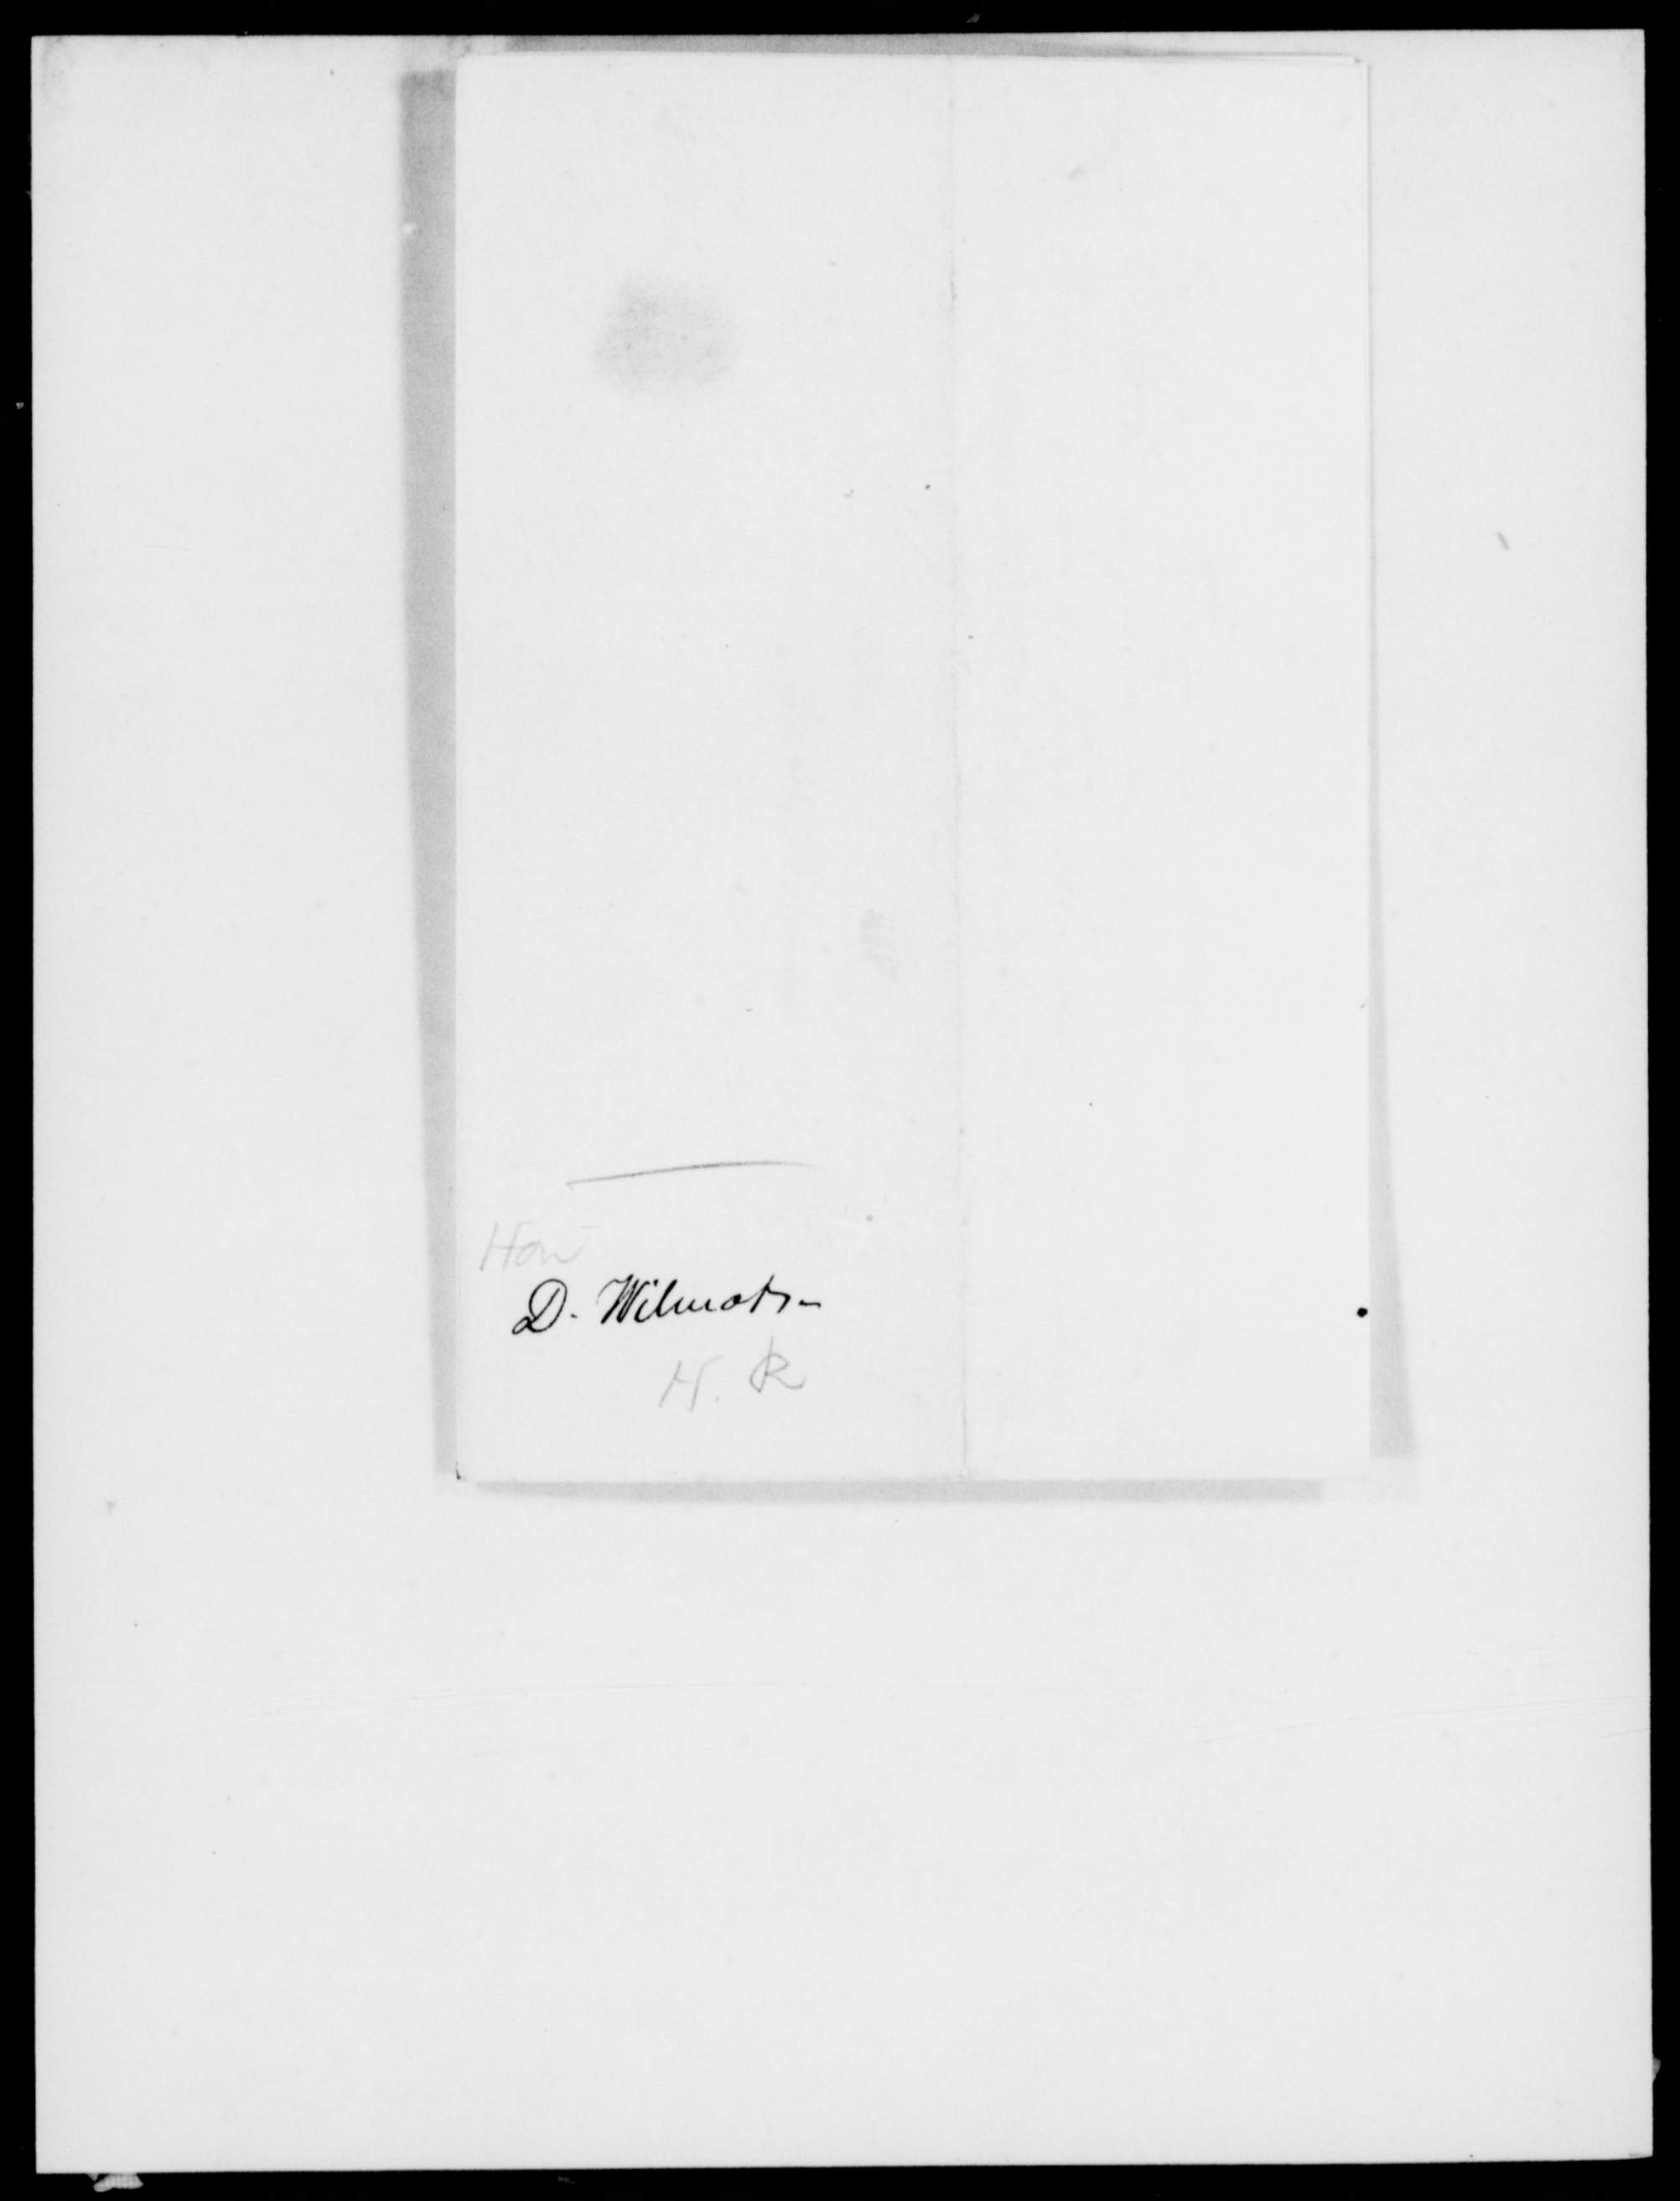--------------
Hon.
D. Wilmot  -
H. R.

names: D Wilmot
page: 65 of 70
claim: widow's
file: W. 3743, Dan Wattles, Conn.